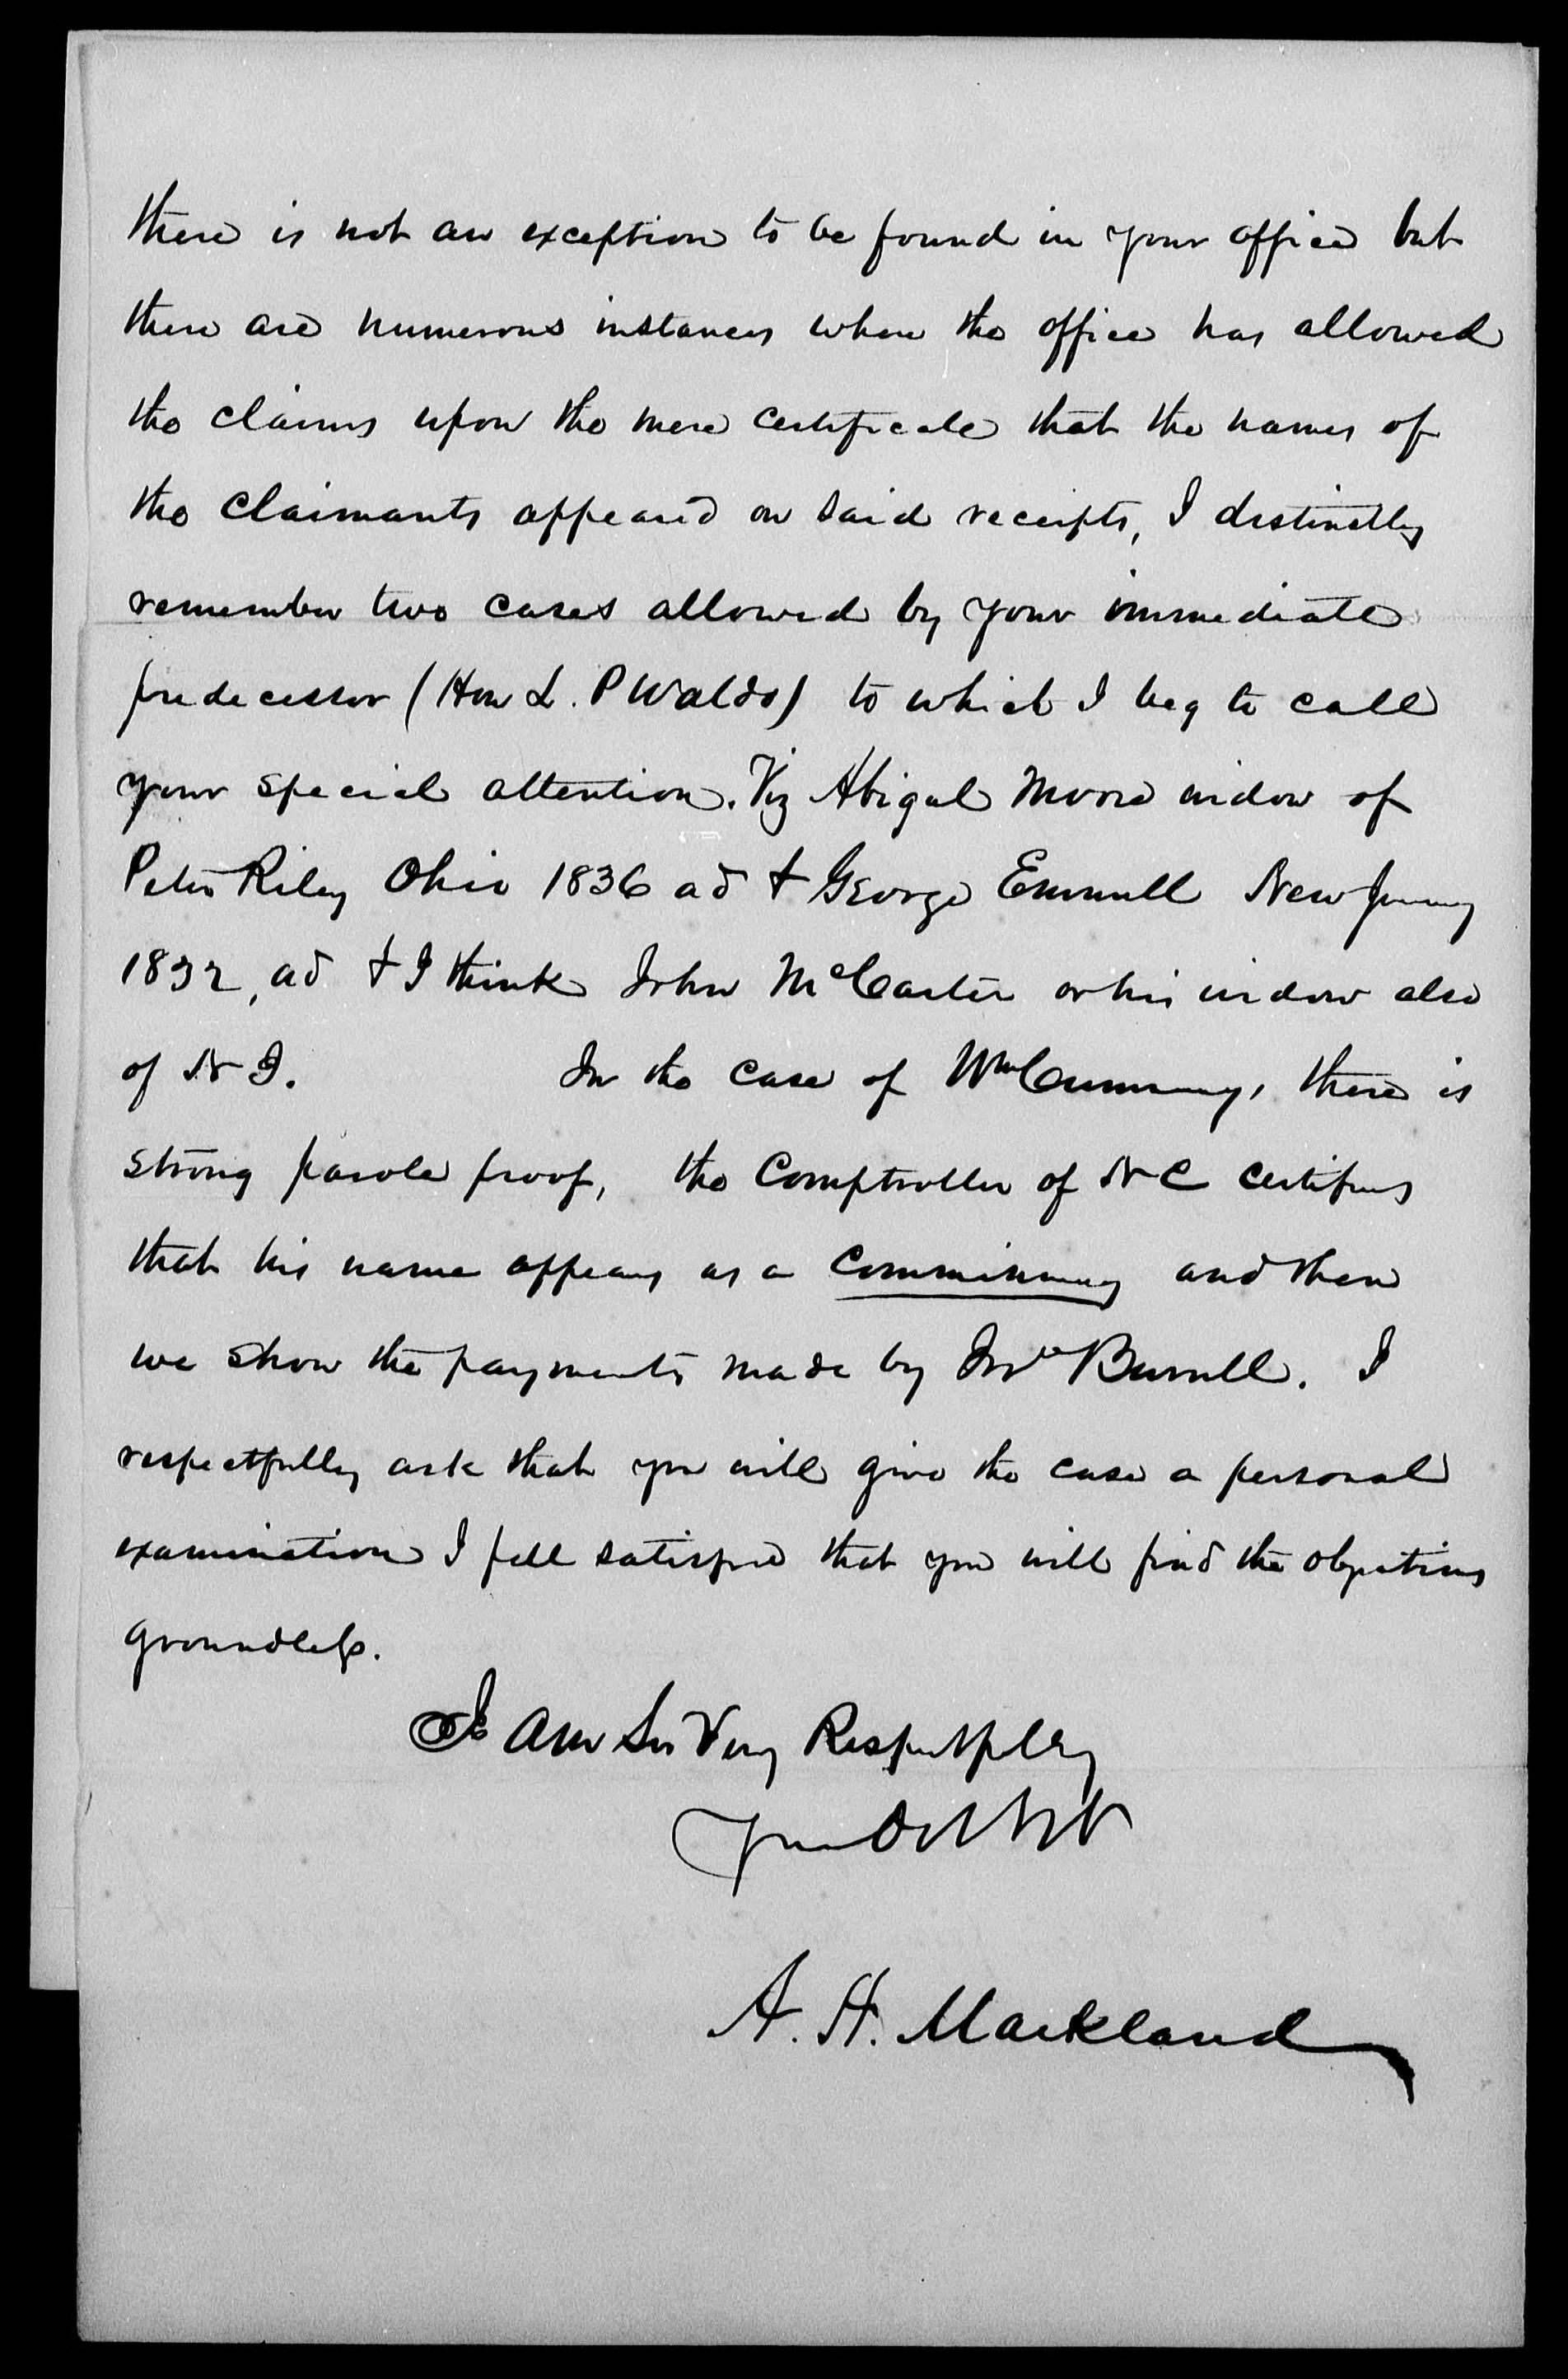[Handwritten letter. Second and final page of letter from A H Markland.  Occasional spacing has been included to make the long text block easier to read.]

there is not an exception to be found in your office but there are numerous instances when the office has allowed the claims upon the mere Certificate that the names of the Claimants appeared on Said receipts, I distinctly remember two cases allowed by your immediate predecessor (Hon L. P Waldo) to which I beg to call your special attention. Viz Abigal Moore widow of Peter Riley Ohio 1836 [illegible, looks like "ad" whihc possibly was used as abbreviation for admitted] and George Emmett [or Emmill] New Jersey 1832, [illegible, possibly "ad" perhaps as abbreviation for admitted] and I think John McCarter [?] whos [?whose] widow also of NJ.

In the case of Wm Cuming [or Cumming], there is strong parole proof, the Comptroller of NC certifies that his name appears as a [here the following word is underlined:] Commissary and then we Show the payments made by Jno Burrill [or Burrell.]  I respectfully ask that you will give the case a personal examination   I feel satisfied that you will find the objections groundless.

I am Sir Very Respectfully
[Nearly illegible, but appears to be:] YourObSrvt [possibly Your Obedient Servant]
A. H. Markland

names: Jno Burrell, George Emmell, Abigal Moore, L P Waldo, Wm Cumming, John Mc Carter, Peter Riley, A H Markland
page: 131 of 145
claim: survivor's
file: S. 8265, William Cumming, N.C.